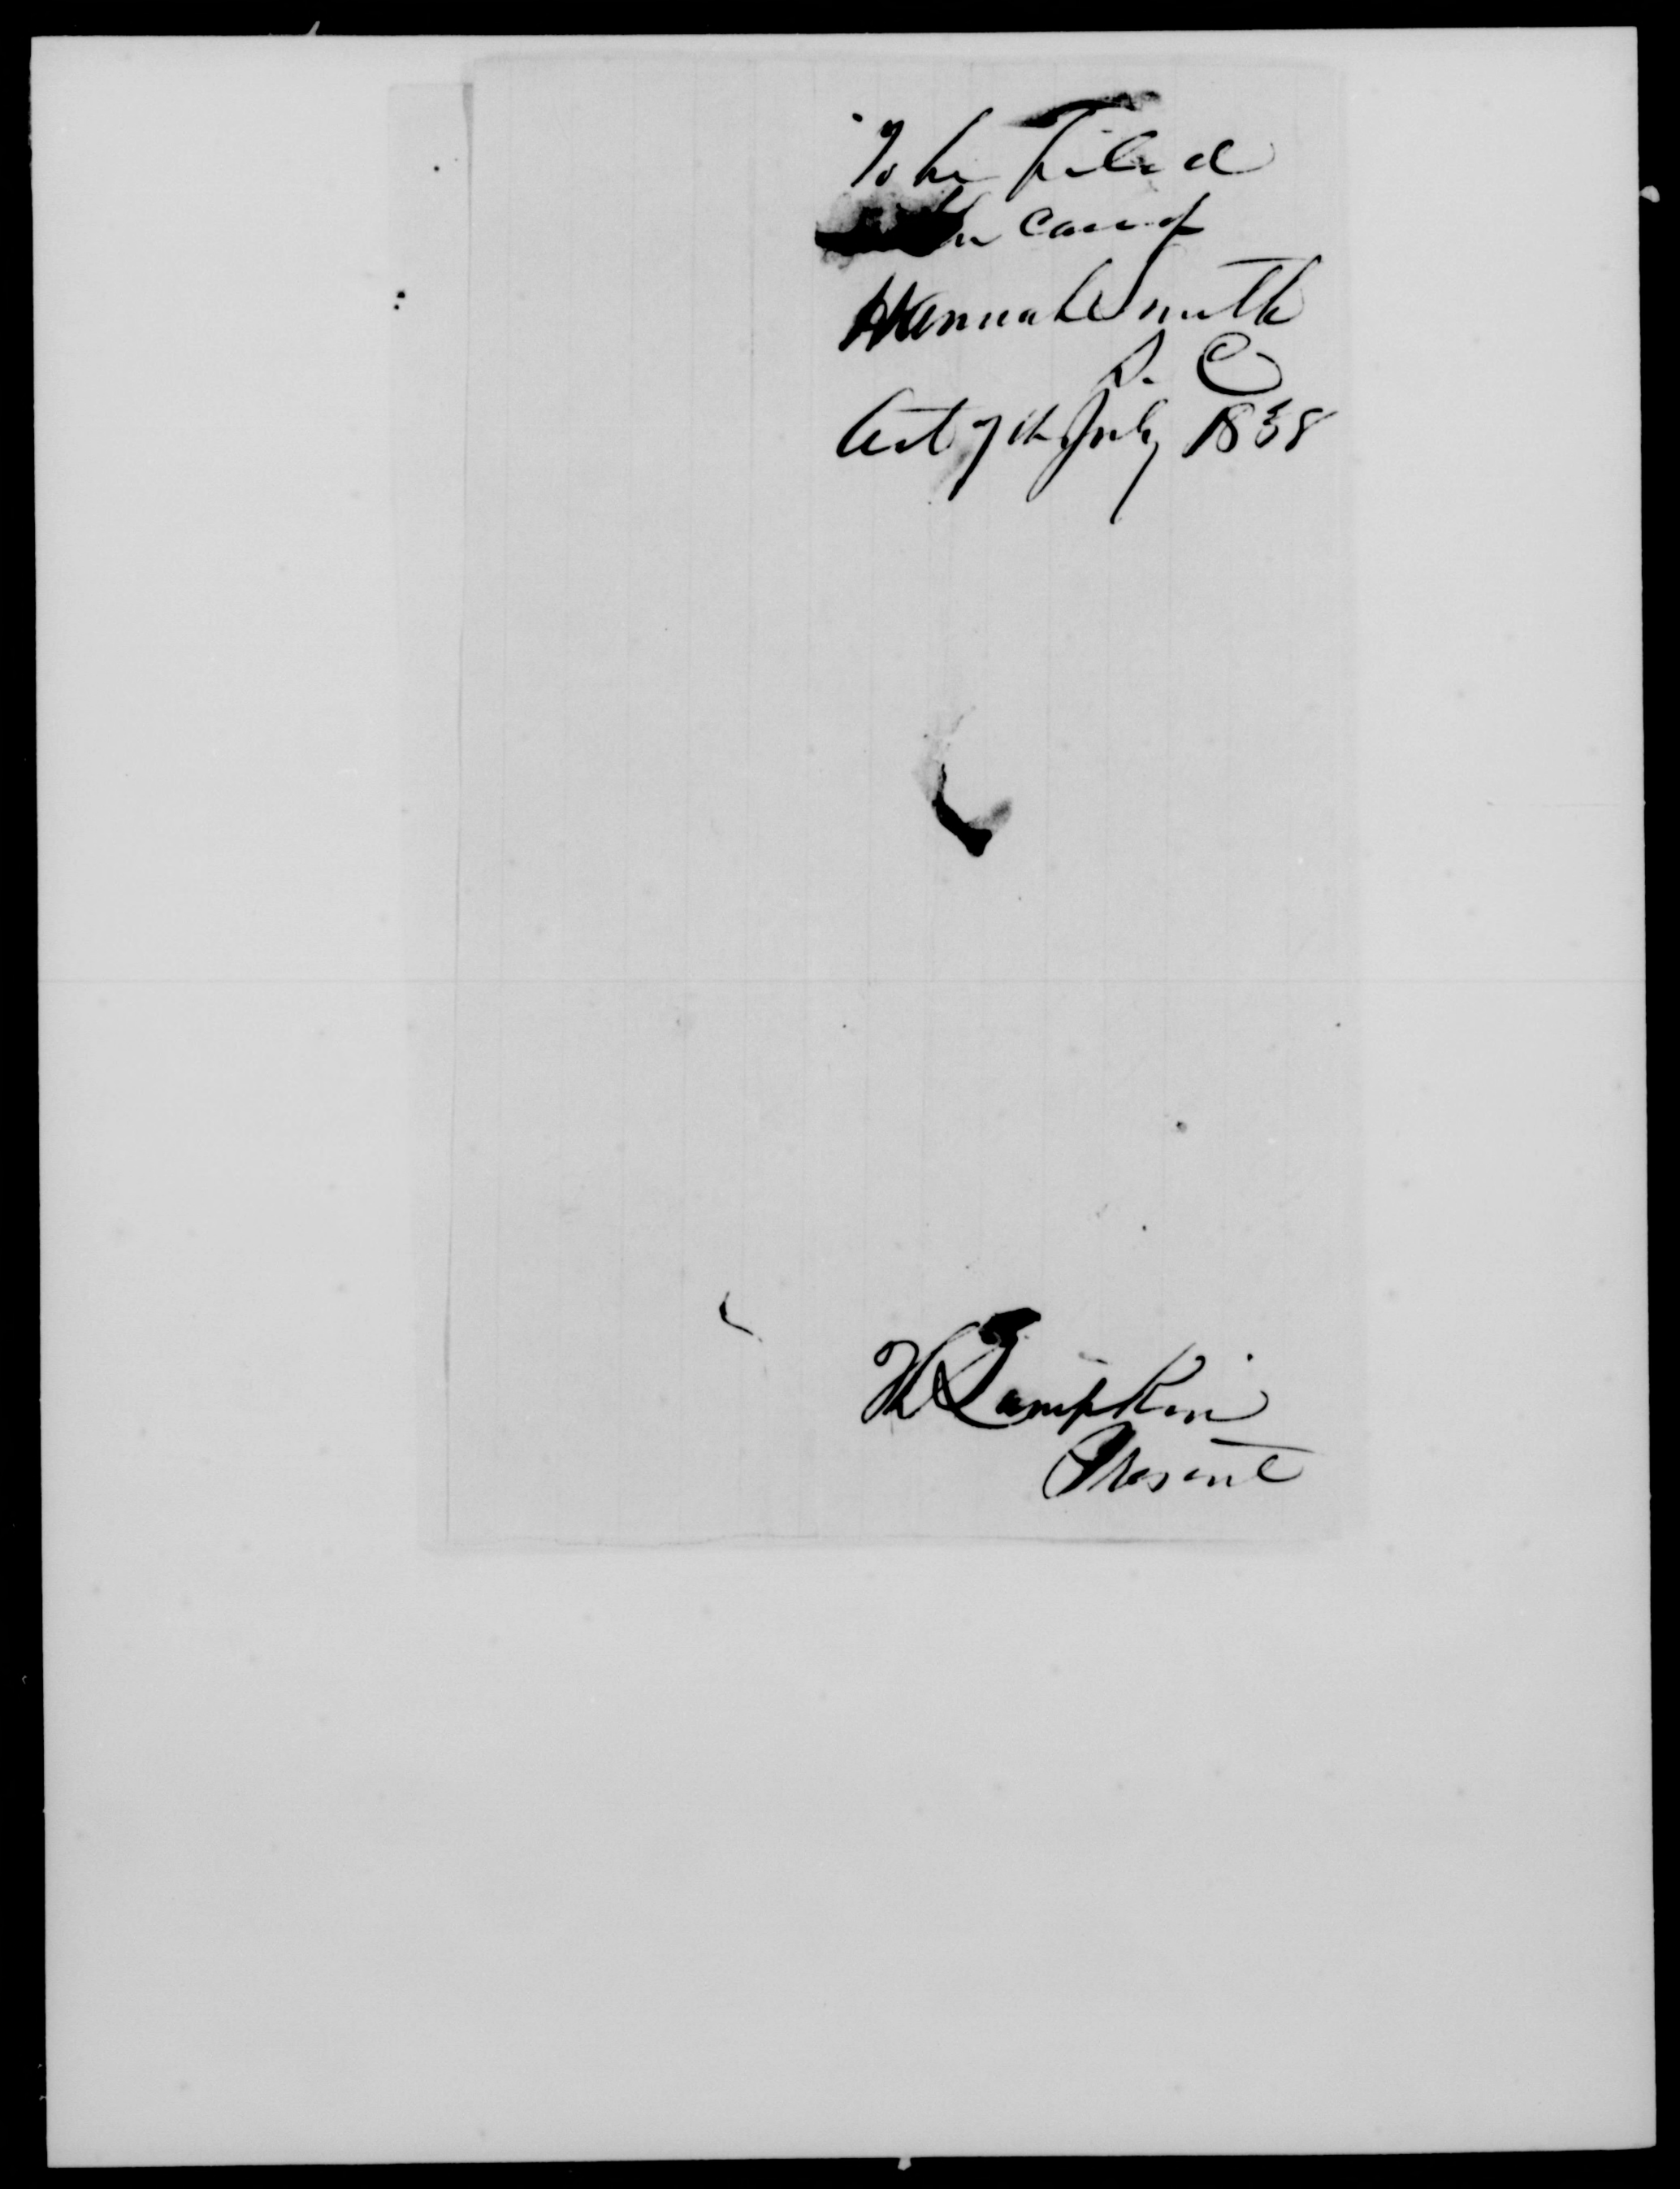To be filed
in the case of
Hannah Smith
Act 7th July 1838
Th Lumpkin
Present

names: Hannah Smith; Th Lumpkin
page: 26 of 28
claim: rejected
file: R. 9744, for Robert Smith, South Carolina